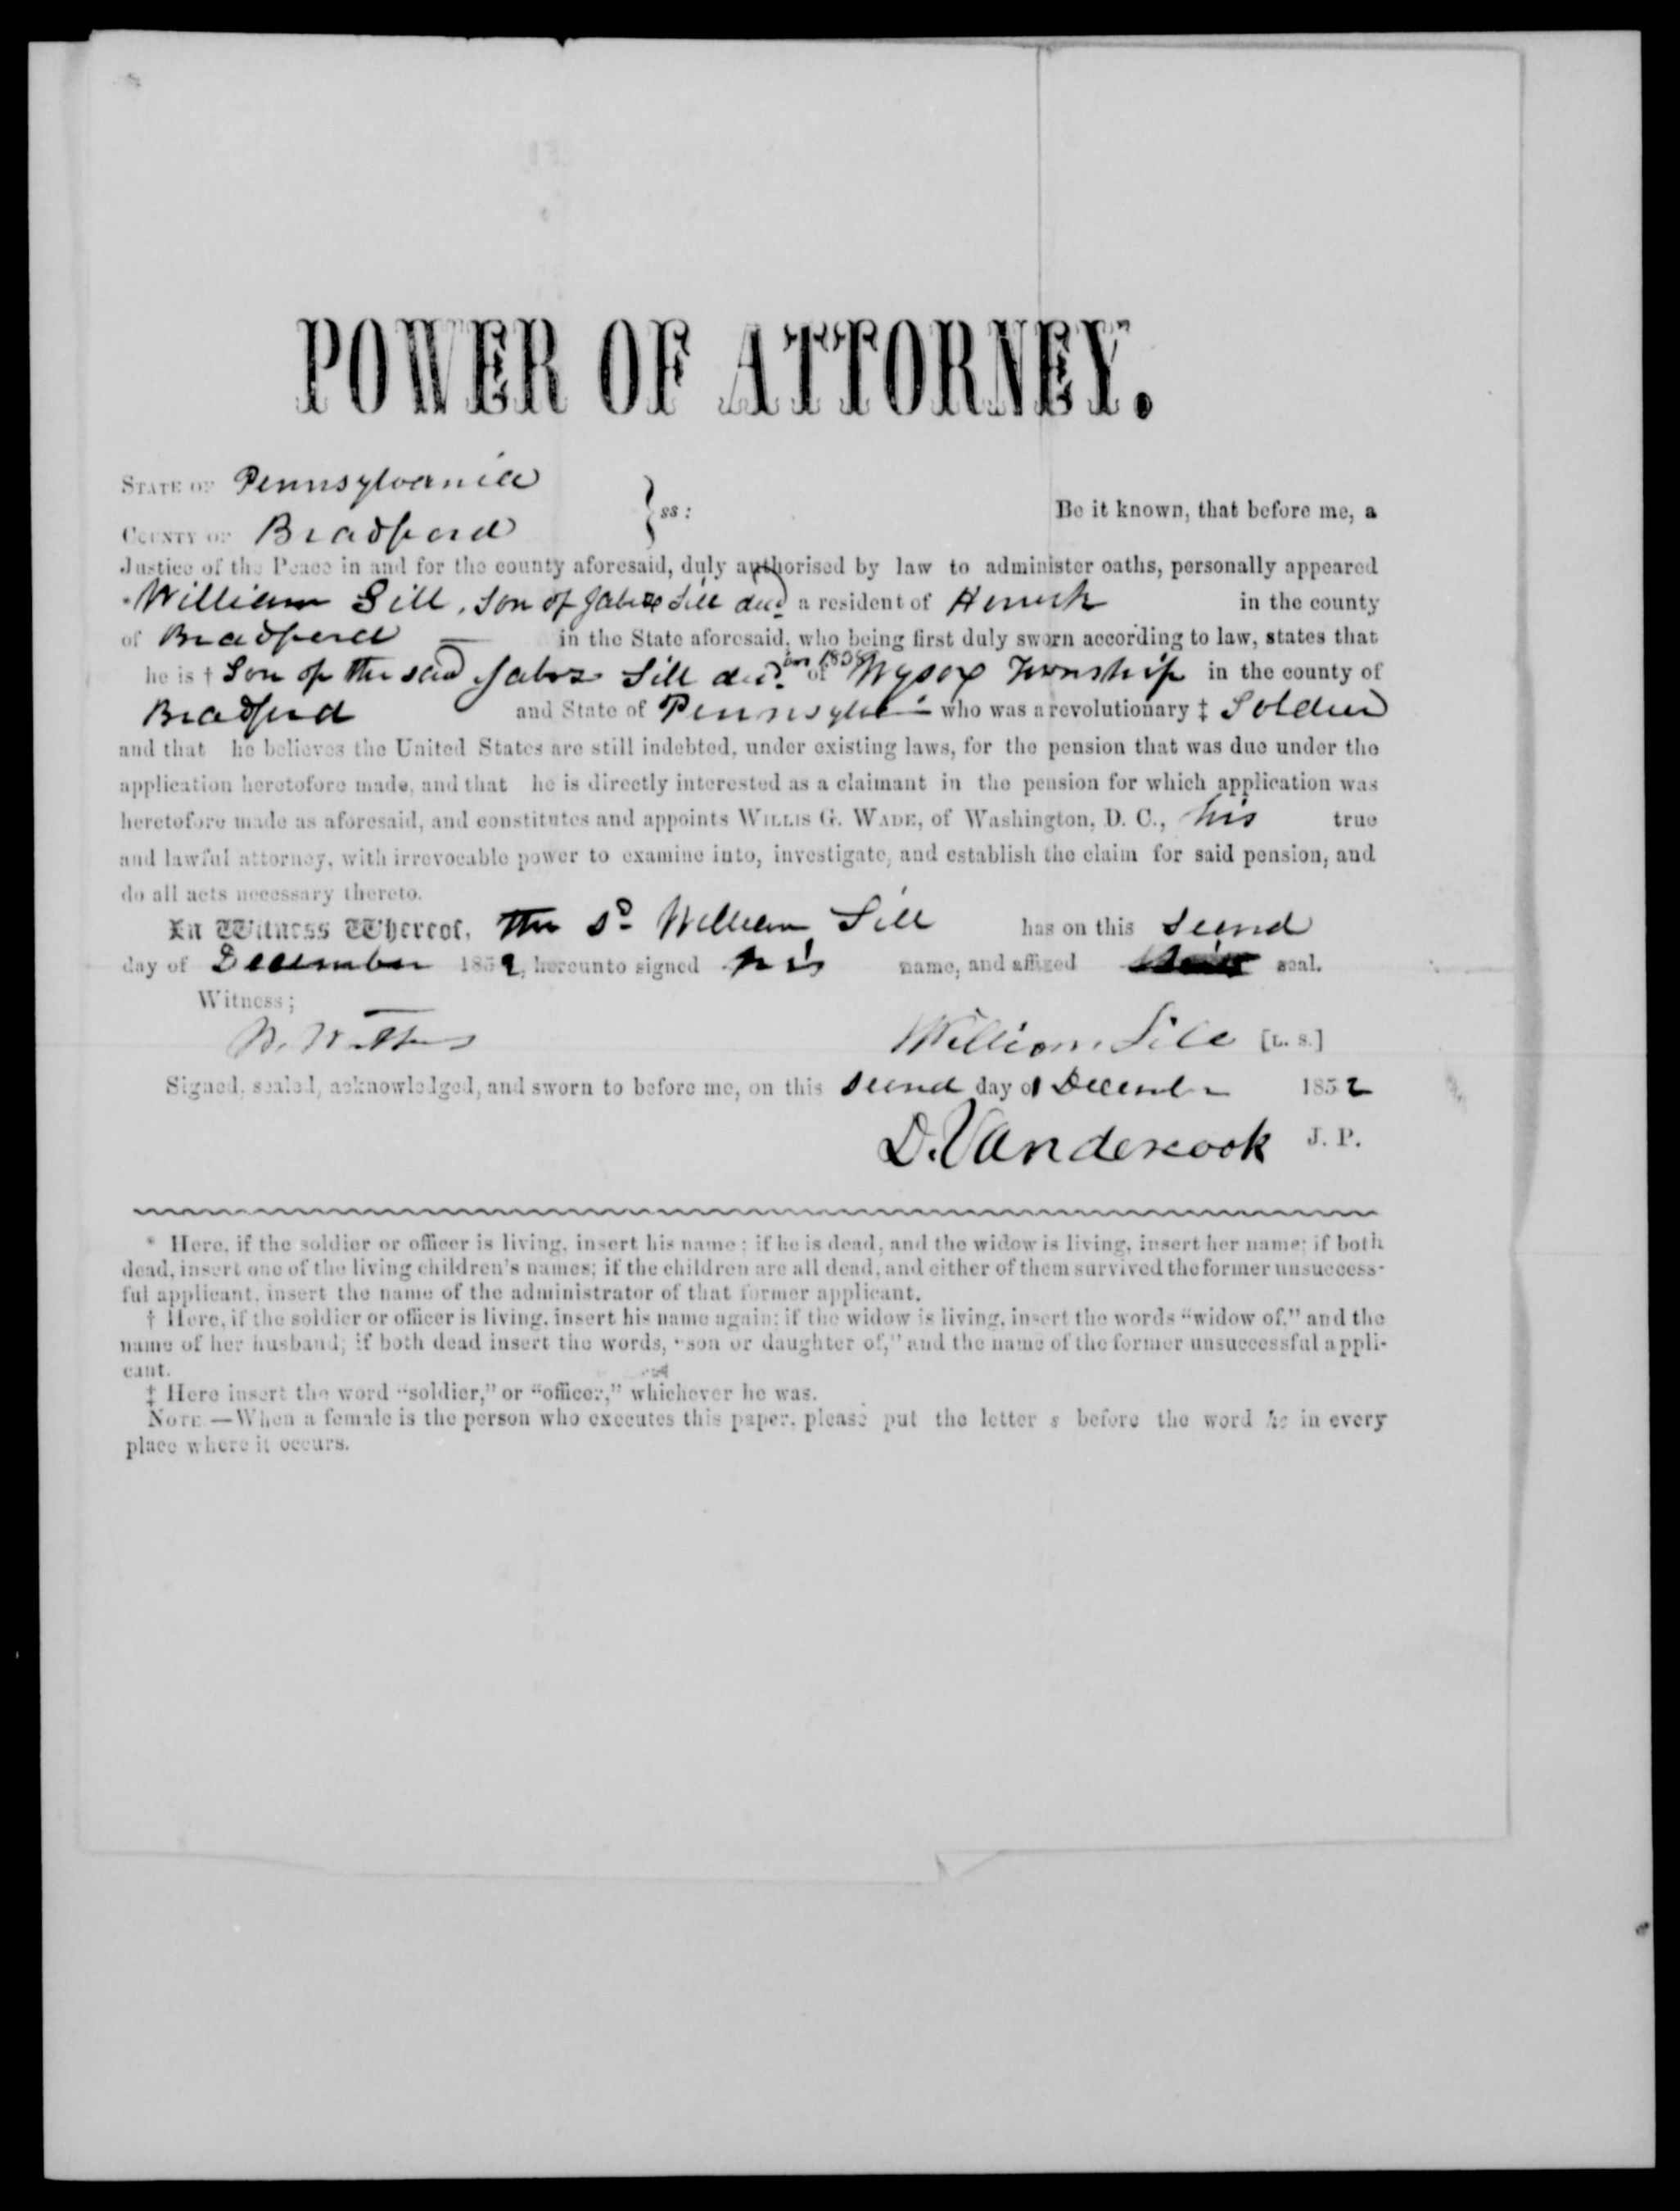Power of Attorney

State of Pennsylvania
County of Bradford

Be it known, that before me, a Justice of the Peace in and for the county aforesaid, duly authorized to administer oaths, personally appeared William Sill, son of Jabez Sill died a resident of Hench [?] in the county of Bradford in the State aforesaid, who being first duly sworn according to law, states that he is son of the said Jabez Sill died in 1828 of Wysox Township in the county of Bradford and State of Pennsylvania who was a revolutionary soldier an that he believes the United States are still indebted,  under existing laws, for the pension that was due under the application heretofore made, and that he is directly interested as a claimant in the pension for which application was heretofore made as aforedsaid, and constitutes and appoints Willis G. Wade, of Washington, D.C., his true and lawful attorney, with irrevocable power to examine into, investigate and establish the claim for said pension, and do all acts necessary thereto.

In witness whereof the said William Sill has on this second day of December 1852, hereunto signed his name, and affixed seal.
Witness;
N. Watkins
William Sill [L.S.]
Signed, sealed, acknowledged, and sworn to before me, on this second day of December 1852
D. Vandercook J.P.

*Here, if the soldier or officer is living, insert his name; if he is dead, and the widow is living, insert her name; if both dead, insert one fo the living children's names; if the children are all dead, and either of them survived the former unsuccessful applicant, insert the name of the administrator of that former applicant.

Here, if the solder or officer is living, insert his name again; if the widow is living, insert the words "widow of" and the name of her husband; if both dead insert the works "son or daughter of," and the name of the former unsuccessful applicant.

Here insert the word "soldier," or "officer," whichever he was.

Note -- When a female is the person who executes this paper, please put the letter s before the word he in every place where it occurs.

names: D Vandercook; William Sill; Jabez Sill; W Watkins; Jabez Sill; Willis G Wade; William Sill; William Sill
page: 9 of 29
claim: rejected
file: R. 9570, for Jabez Sill, Connecticut